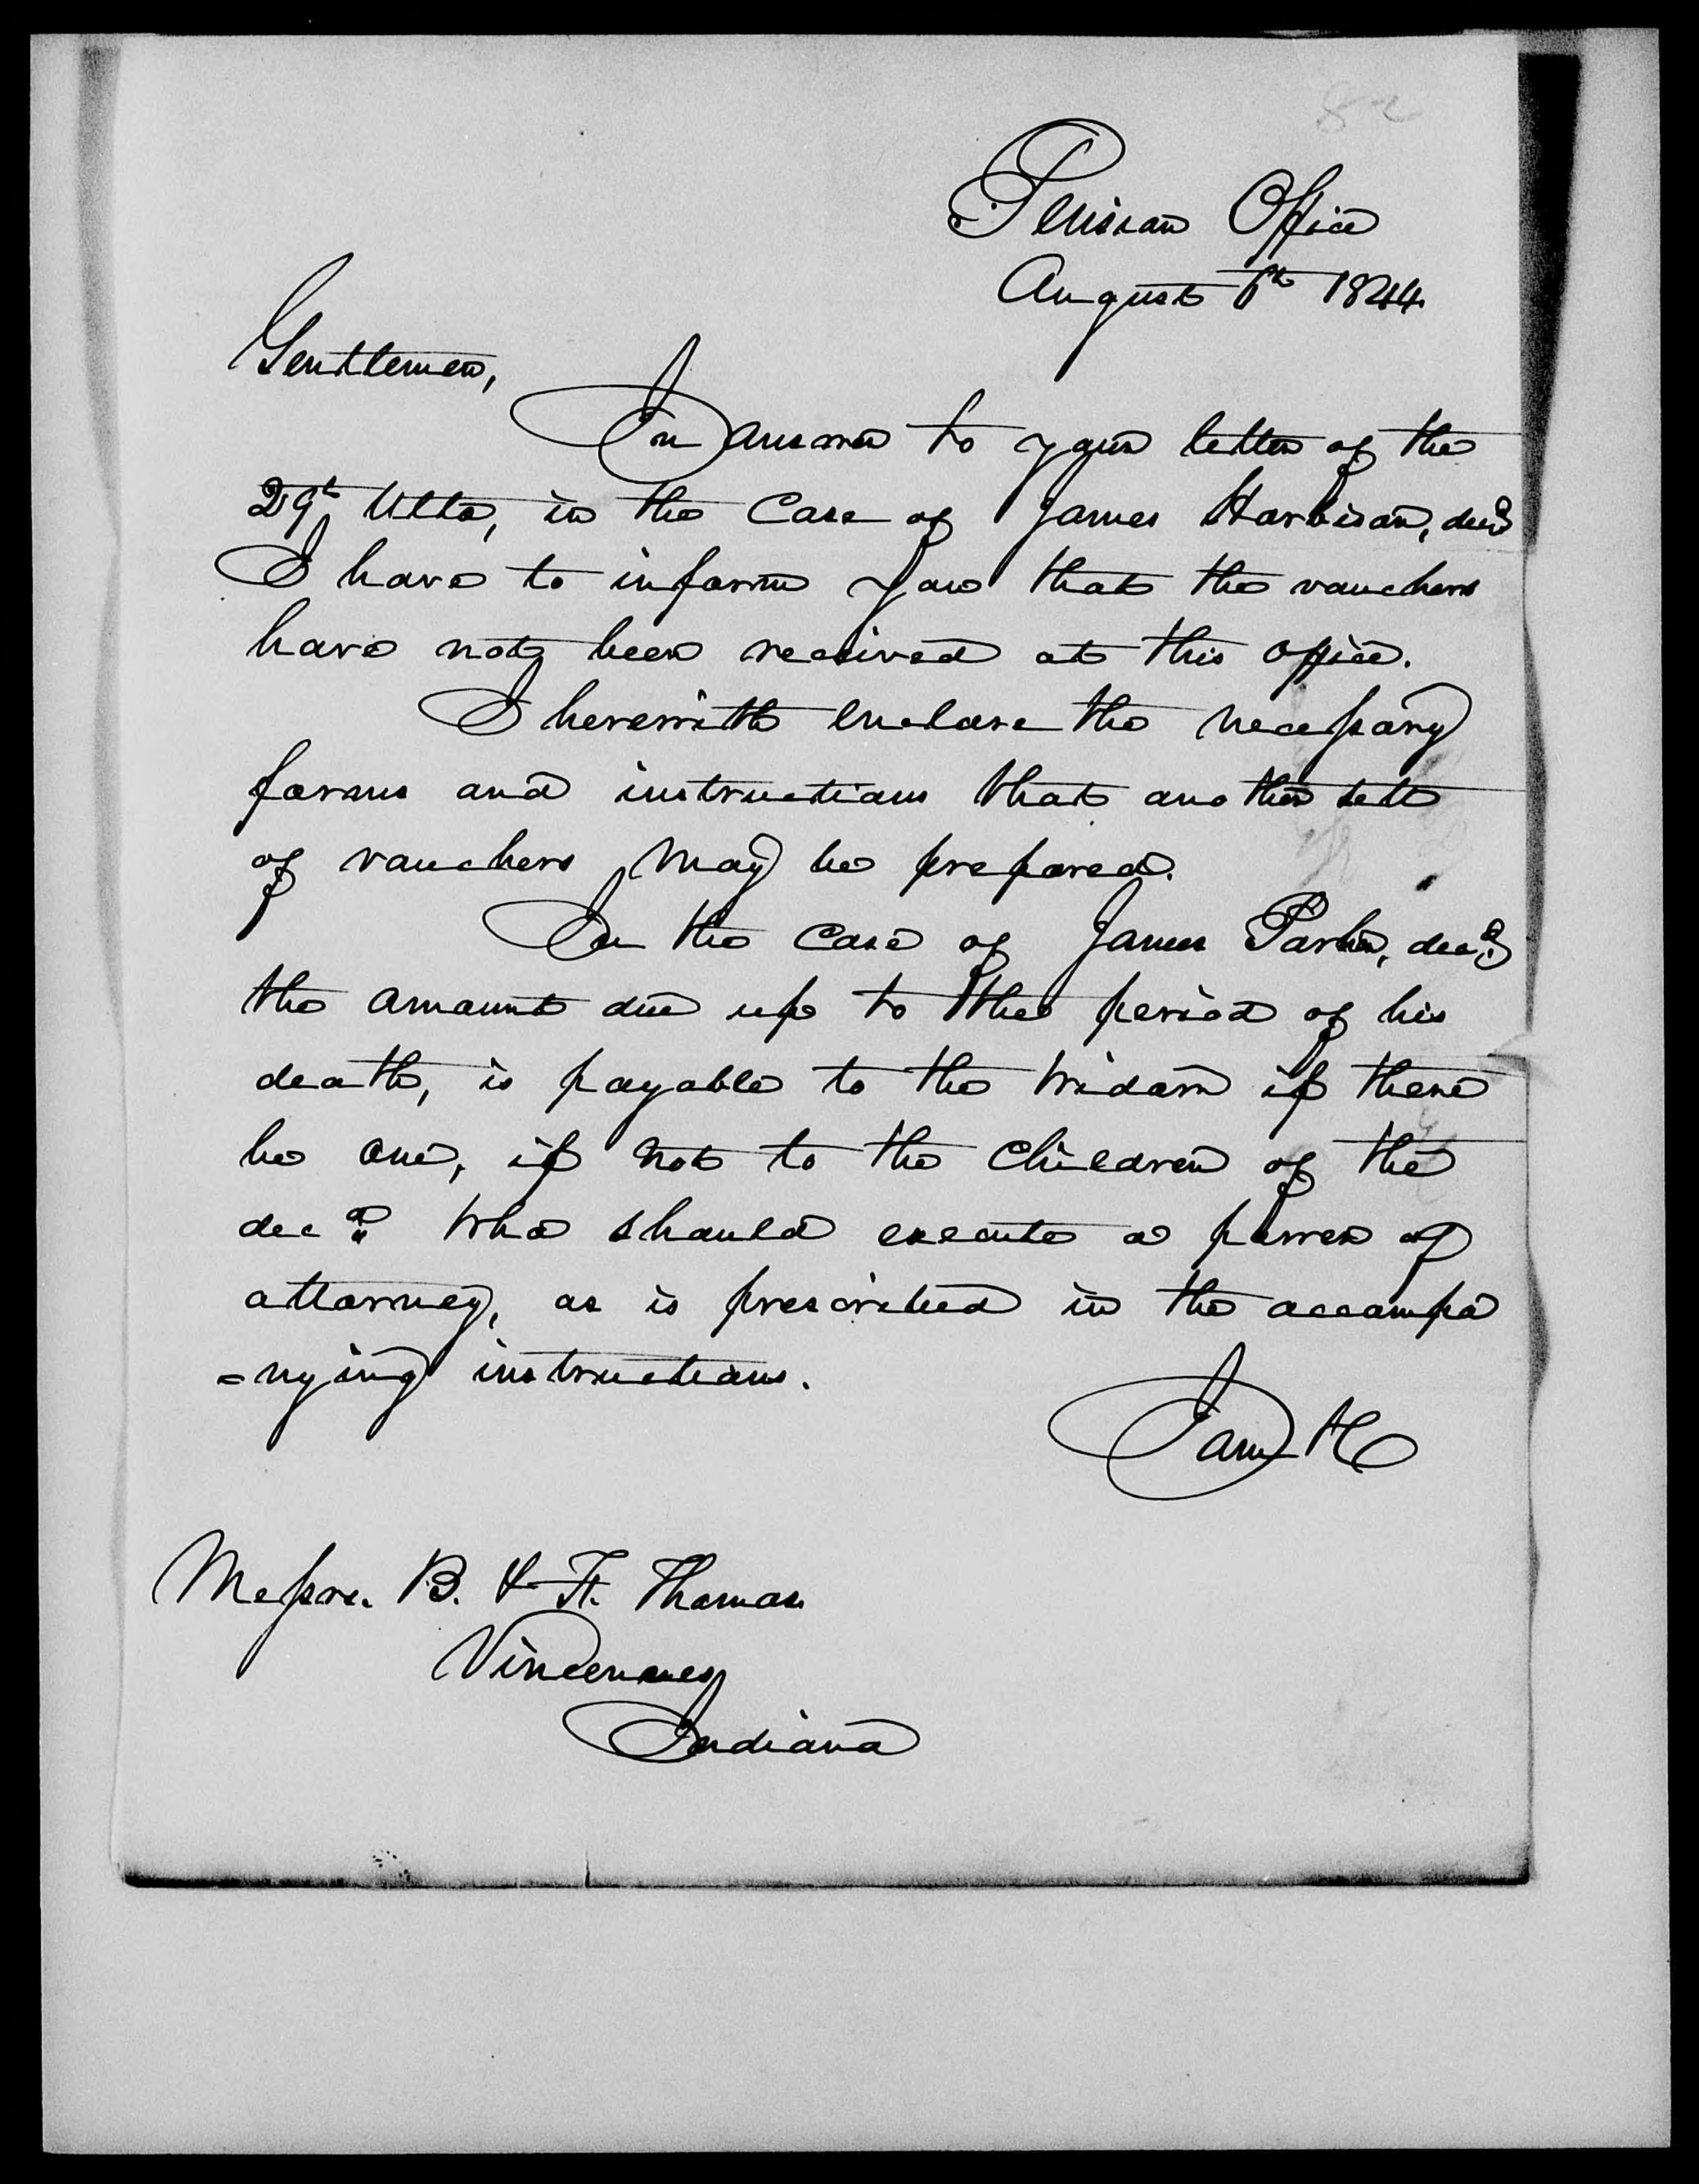Pension Office
August 6th, 1844

Gentlemen,

In answer to your letter of the 29th, in the case of James Harbison, I have to inform you that the vouchers have not been delivered at this office.

I herewith endorse the company forms and instructions that another date of vouchers may be preferred.

In this case of James Parker, dead, the amounts due up to this period of his death, is payable to his widow if there is one, if not to the children of the decnt., who should execute a power of attorney, as is prescribed in the accompanying instructions.

Jane H

Me for B & F Thomas
Vincennes
Indiana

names: Jane H [BLANK]; James Harbison; James Parker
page: 16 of 21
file: Old War Inv. File 26332, for John Parker, Other